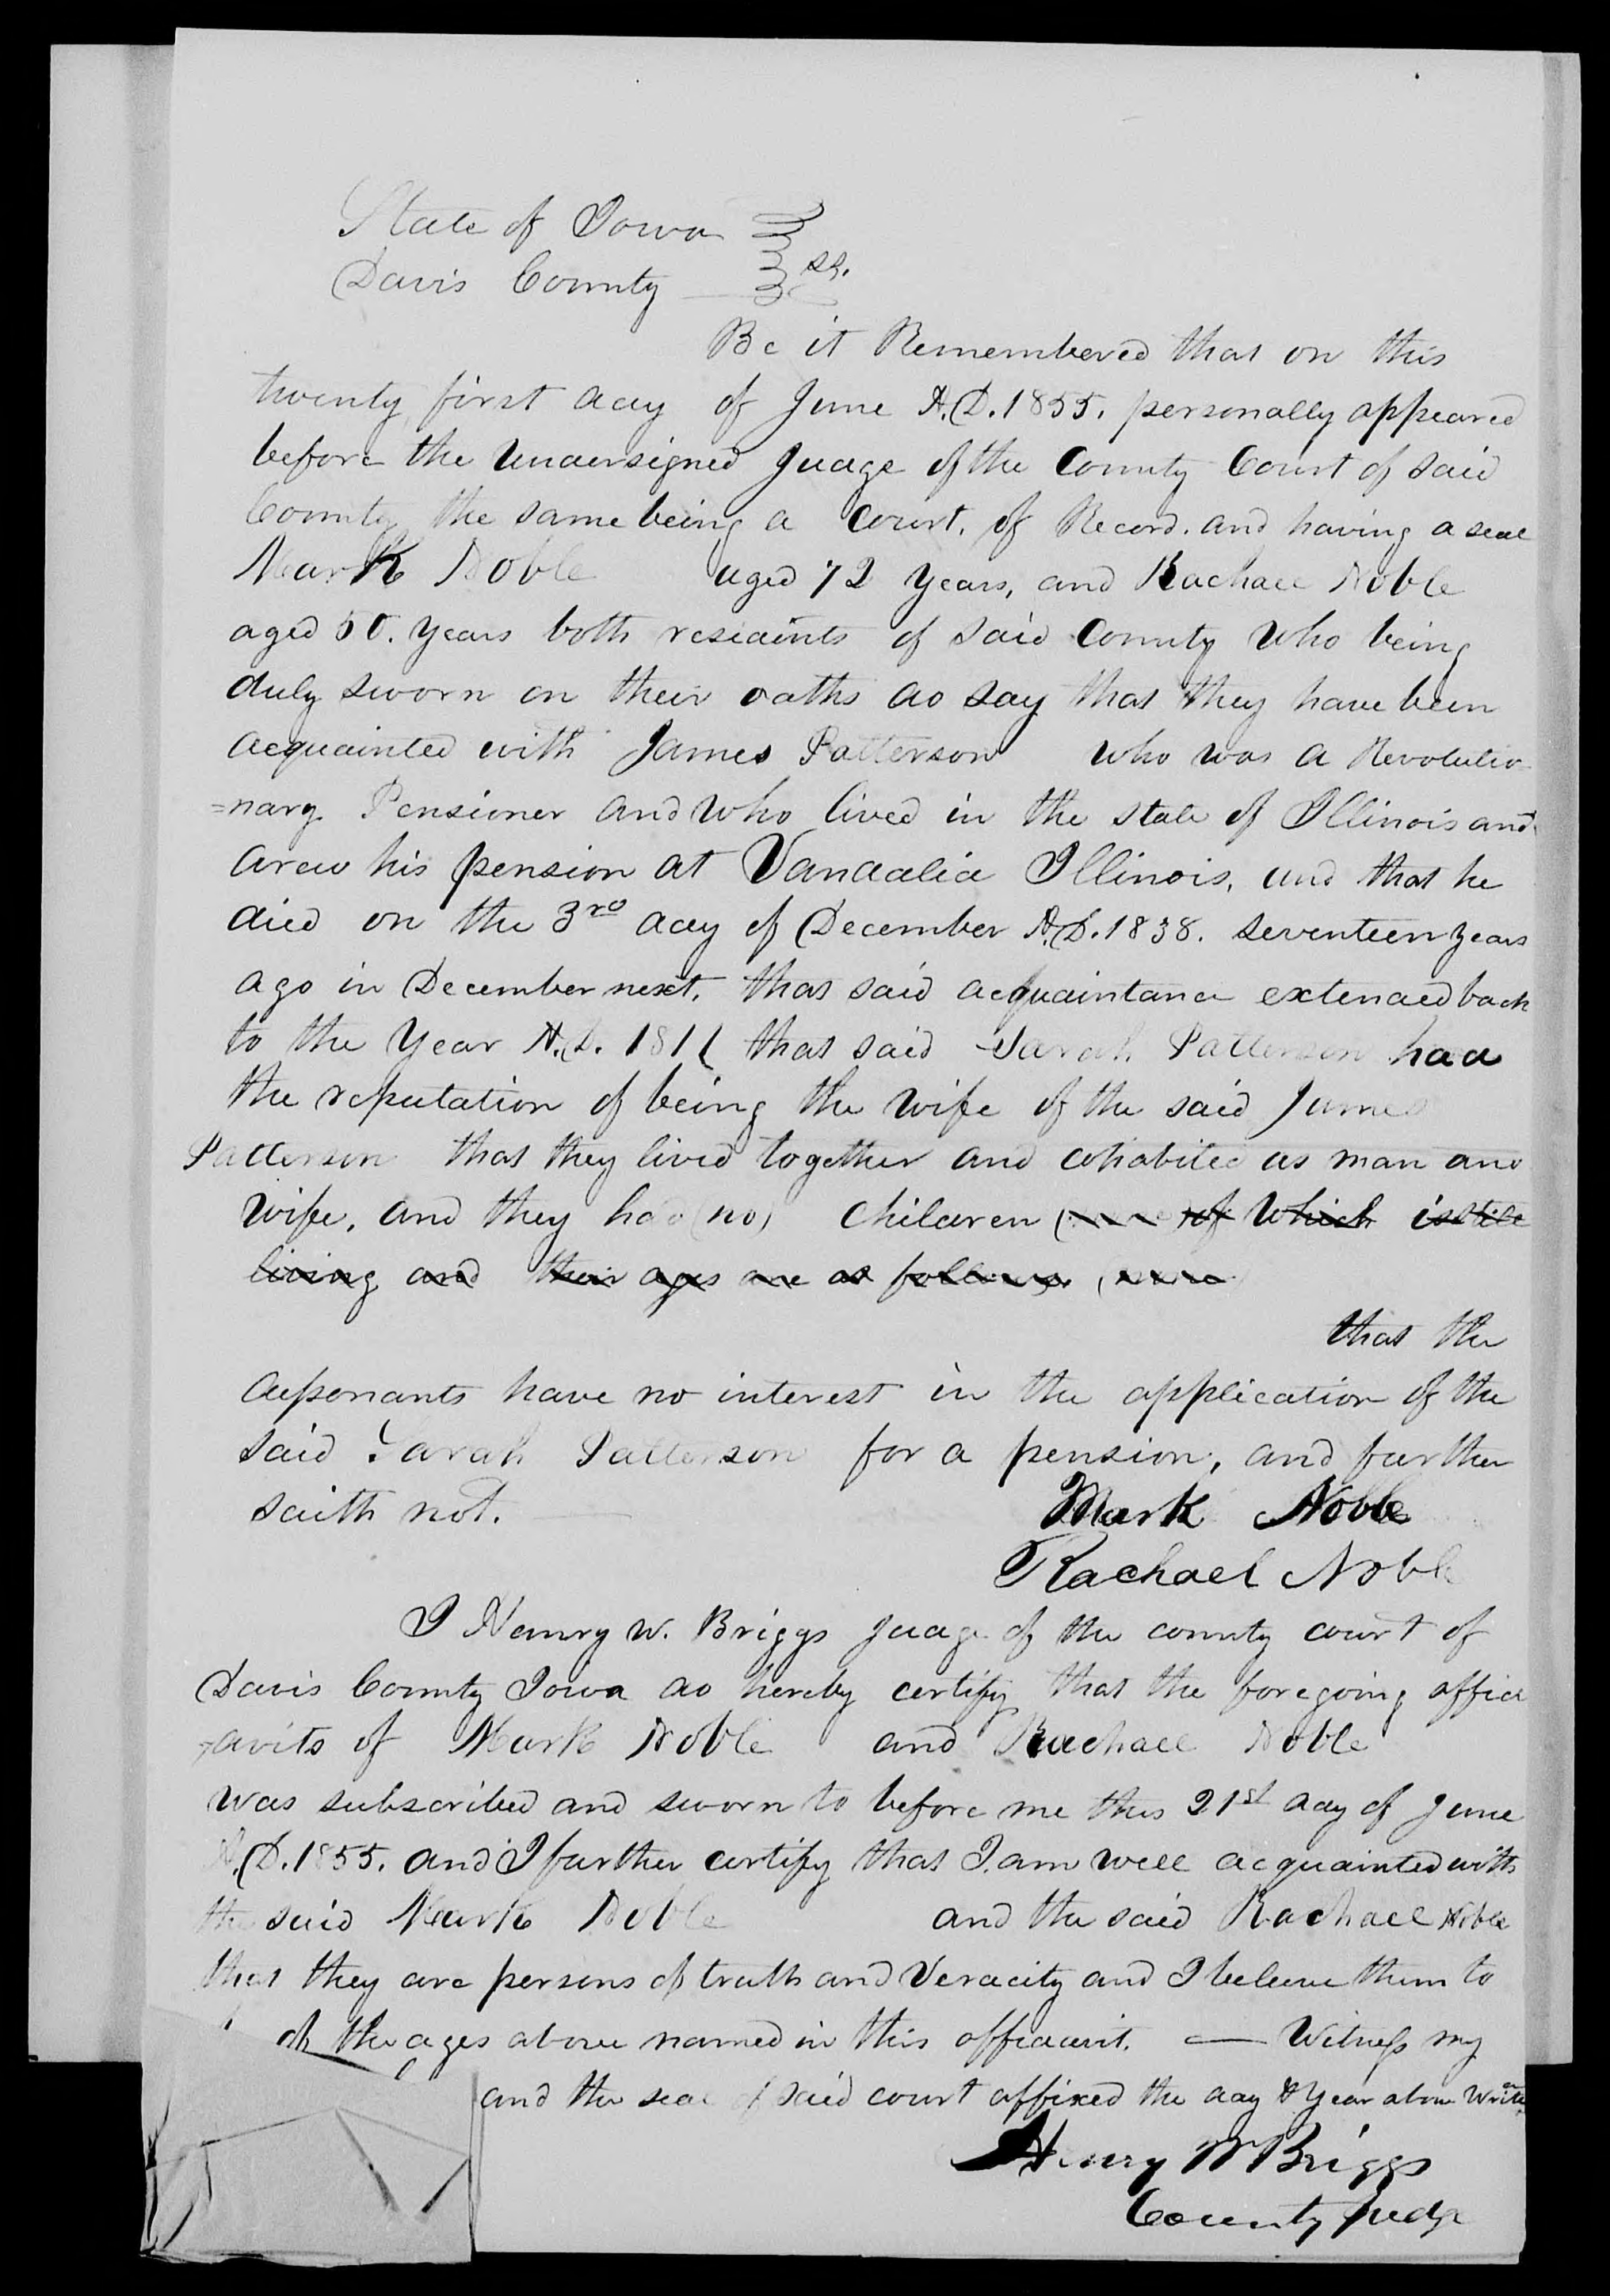State of Iowa }
Davis County  } ss.
Be it Remembered that on this twenty first day of June A.D. 1855, personally appeared before the undersigned Judge of the County Court of said County the same being a Court of Record and having a seal Mark Noble aged 72 years, and Rachael Noble aged 50 years both residents of said County who being duly sworn on their oaths do say that they have been acquainted with James Patterson who was a Revolutionary Pensioner and who lived in the State of Illinois and drew his pension at Vandalia Illinois, and that he died on the 3rd day of December A.D. 1838. Seventeen years ago in December next, that said acquaintance extended back to the year A.D. 1811 that said Sarah Patterson had the reputation of being the wife of the said James Patterson that they lived together and cohabited as man and wife, and they had no children 
[the following had been crossed out]
of which is still living and their ages are as follows
that the deponants have no interest in the application of the said Sarah Patterson for a pension, and further saith not.
Mark Noble
Rachael Noble

I Henry W. Briggs Judge of the County Court of Davis County Iowa do hereby certify that the foregoing office avits of Mark Noble and Rachael Noble was subscribed and sworn to before me this 21st day of June A.D. 1855, and I further certify that I am well acquainted with the said Mark Noble and the said Rachael Noble that they are persons of truth and veracity and I believe them to {illegible covered over] of the ages above named in this affidavit. --Witness my {illegible covered over] and the seal of said court affixed the day & year above written.
Henry W Briggs 
County Judge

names: Henry W Briggs; Sarah Patterson; James Patterson; Rachael Noble; Mark Noble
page: 11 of 69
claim: widow's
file: W. 10861, for James Patterson, North Carolina